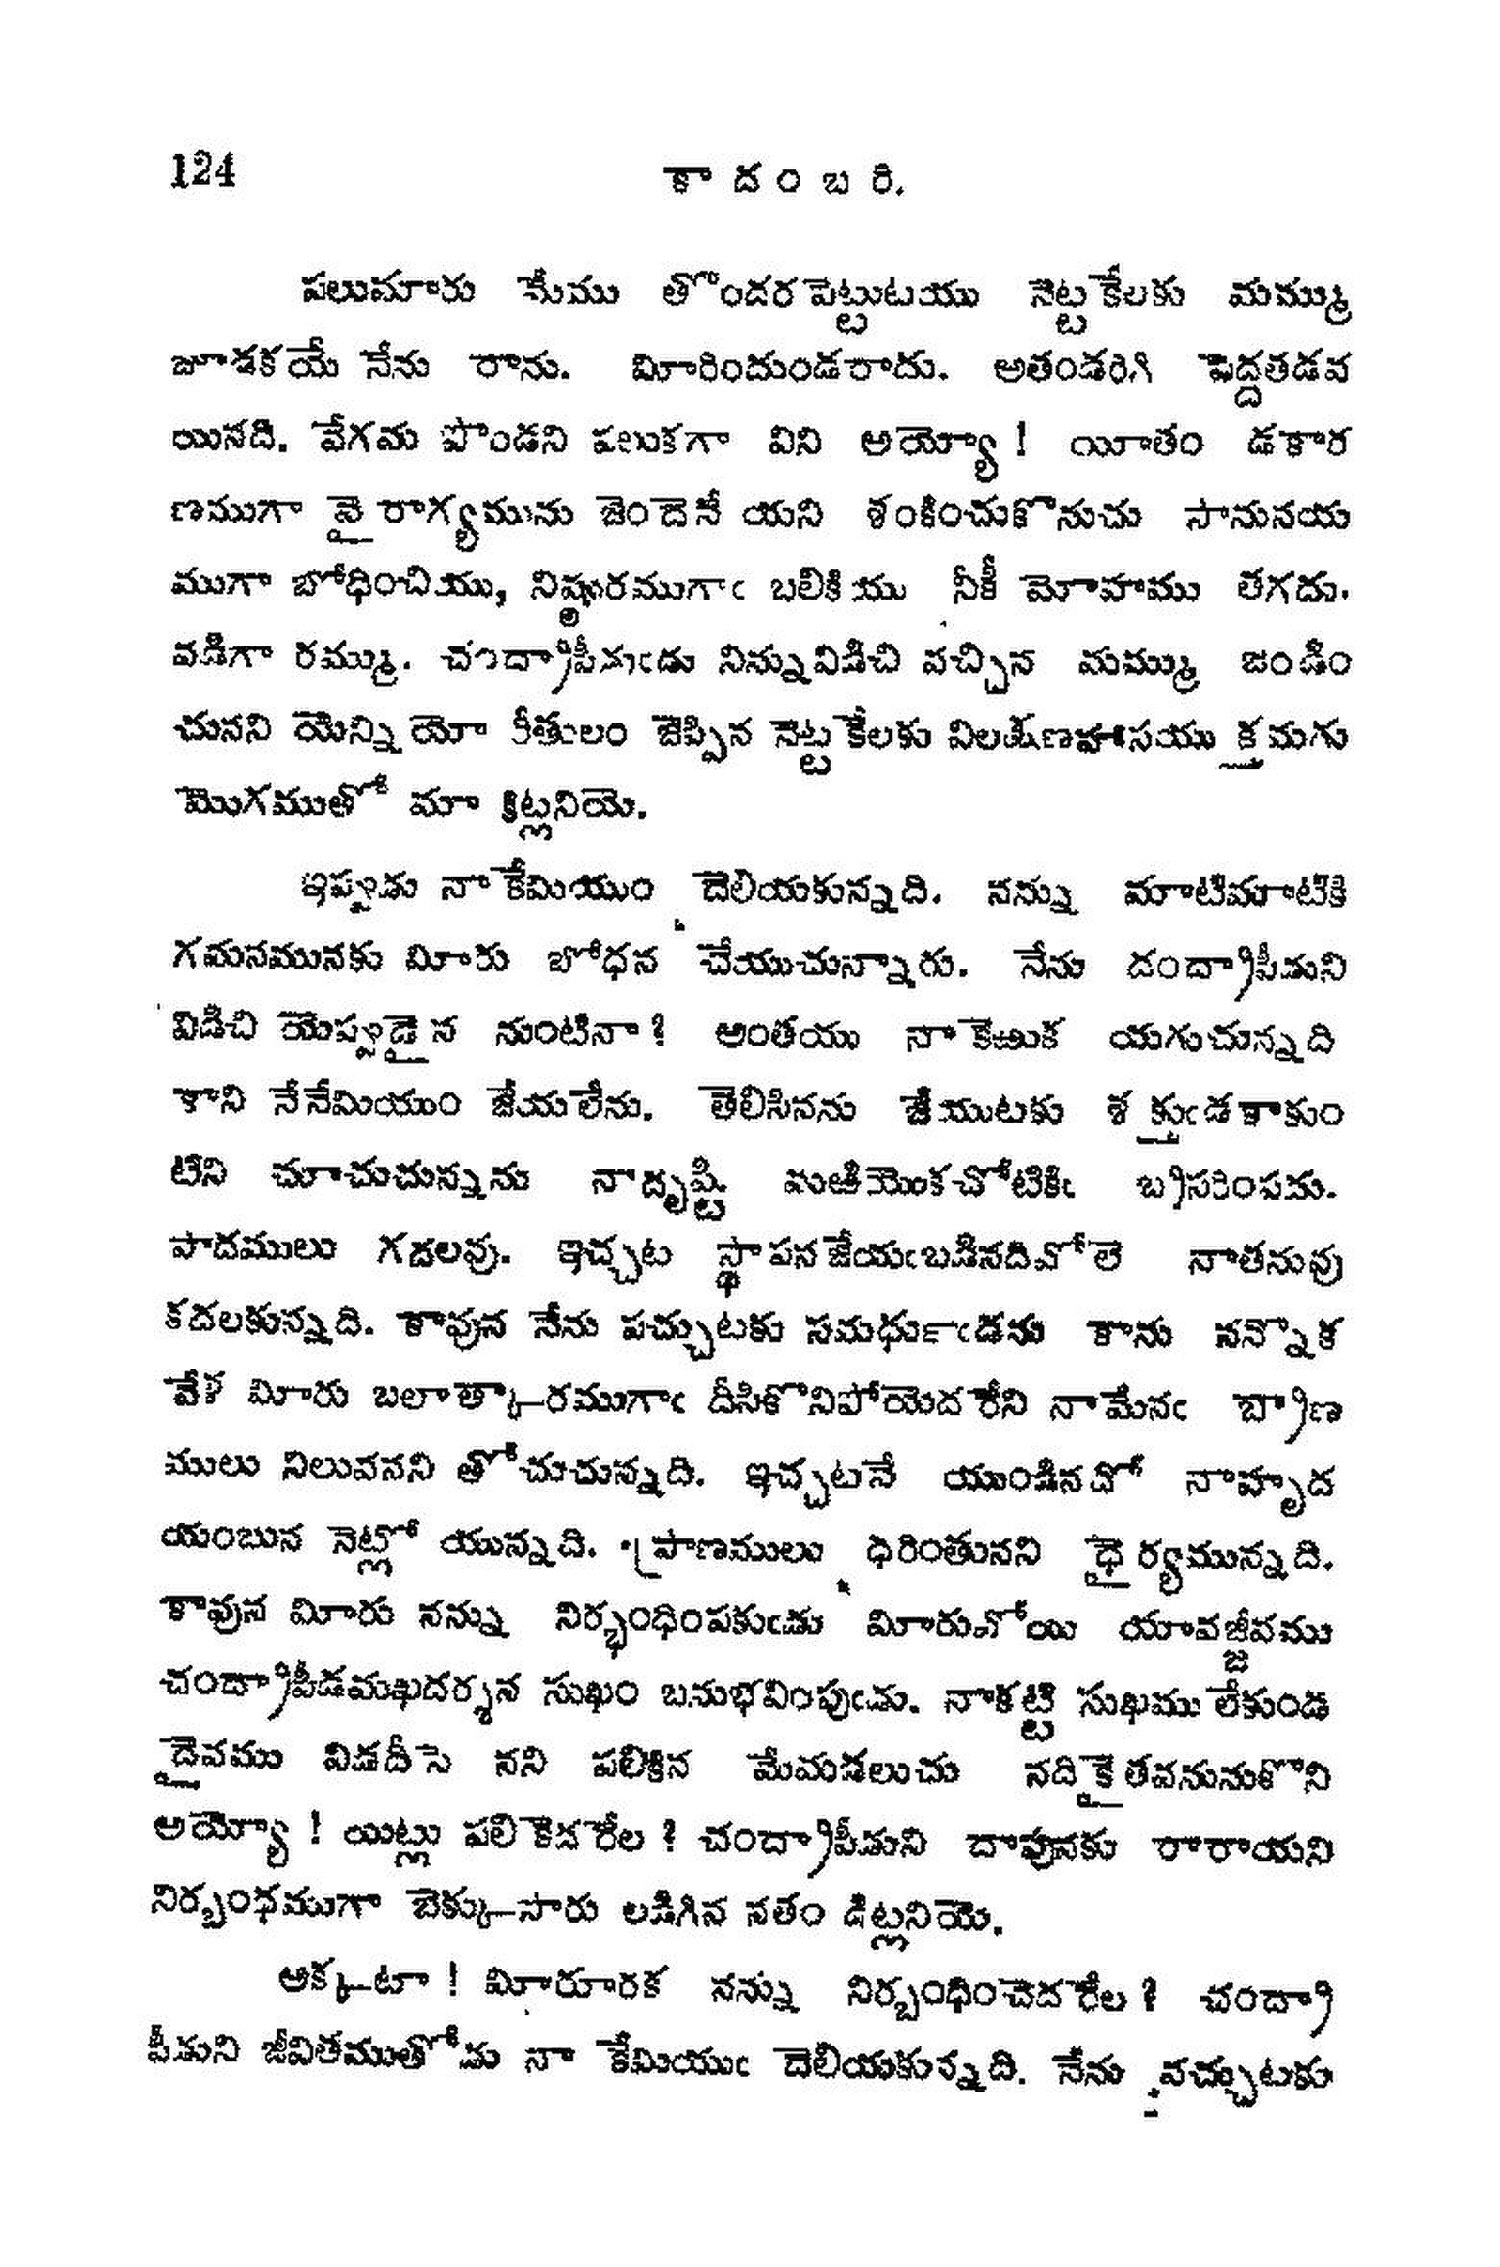పలుమారు మేము తొందరపెట్టుటయు నెట్టకేలకు మమ్ము జూడకయే నేను రాను. మీరిందుండరాదు. అతండరిగి పెద్దతడవయినది. వేగమ పొండని పలుకగా విని అయ్యో! యీతం డకారణముగా వైరాగ్యమును జెందెనే యని శంకించుకొనుచు సానునయముగా బోధించియు, నిష్ఠురముగాఁ బలికియు నీకీ మోహము తగదు. వడిగా రమ్ము. చంద్రాపీడుఁడు నిన్నువిడిచి వచ్చిన మమ్ము జండించునని యెన్నియో రీతులం జెప్పిన నెట్టకేలకు విలక్షణహాసయుక్తమగు మొగముతో మా కిట్లనియె.

ఇప్పుడు నాకేమియుం దెలియకున్నది. నన్ను మాటిమాటికి గమనమునకు మీరు బోధన చేయుచున్నారు. నేను చంద్రాపీడుని విడిచి యెప్పుడైన నుంటినా? అంతయు నాకెఱుక యగుచున్నది కాని నేనేమియుం జేయలేను. తెలిసినను జేయుటకు శక్తుఁడకాకుంటిని చూచుచున్నను నాదృష్టి మఱియొకచోటికిఁ బ్రసరింపదు. పాదములు గదలవు. ఇచ్చట స్థాపనజేయఁబడినదివోలె నాతనువు కదలకున్నది. కావున నేను వచ్చుటకు సమధు౯డను కాను నన్నొక వేళ మీరు బలాత్కారముగాఁ దీసికొనిపోయెదరేని నామేనఁ బ్రాణములు నిలుపనని తోచుచున్నది. ఇచ్చటనే యుండినచో నాహృదయంబున నెట్లో యున్నది. ప్రాణములు ధరింతునని ధైర్యమున్నది. కావున మీరు నన్ను నిర్భంధింపకుఁడు మీరువోయి యావజ్జీవము చంద్రాపీడమఖదర్శన సుఖం బనుభవింపుఁడు. నాకట్టి సుఖములేకుండ దైవము విడదీసి నని పలికిన మేమడలుచు నదికైతవనునుకొని అయ్యో! యిట్లు పలికెదరేల? చంద్రాపీడుని దావునకు రారాయని నిర్బంధముగా బెక్కుసారు లడిగిన నతం డిట్లనియె.

అక్కటా! మీరూరక నన్ను నిర్బంధించెదరేల? చంద్రాపీడుని జీవితముతోడు నా కేమియుఁ దెలియకున్నది. నేను వచ్చుటకు